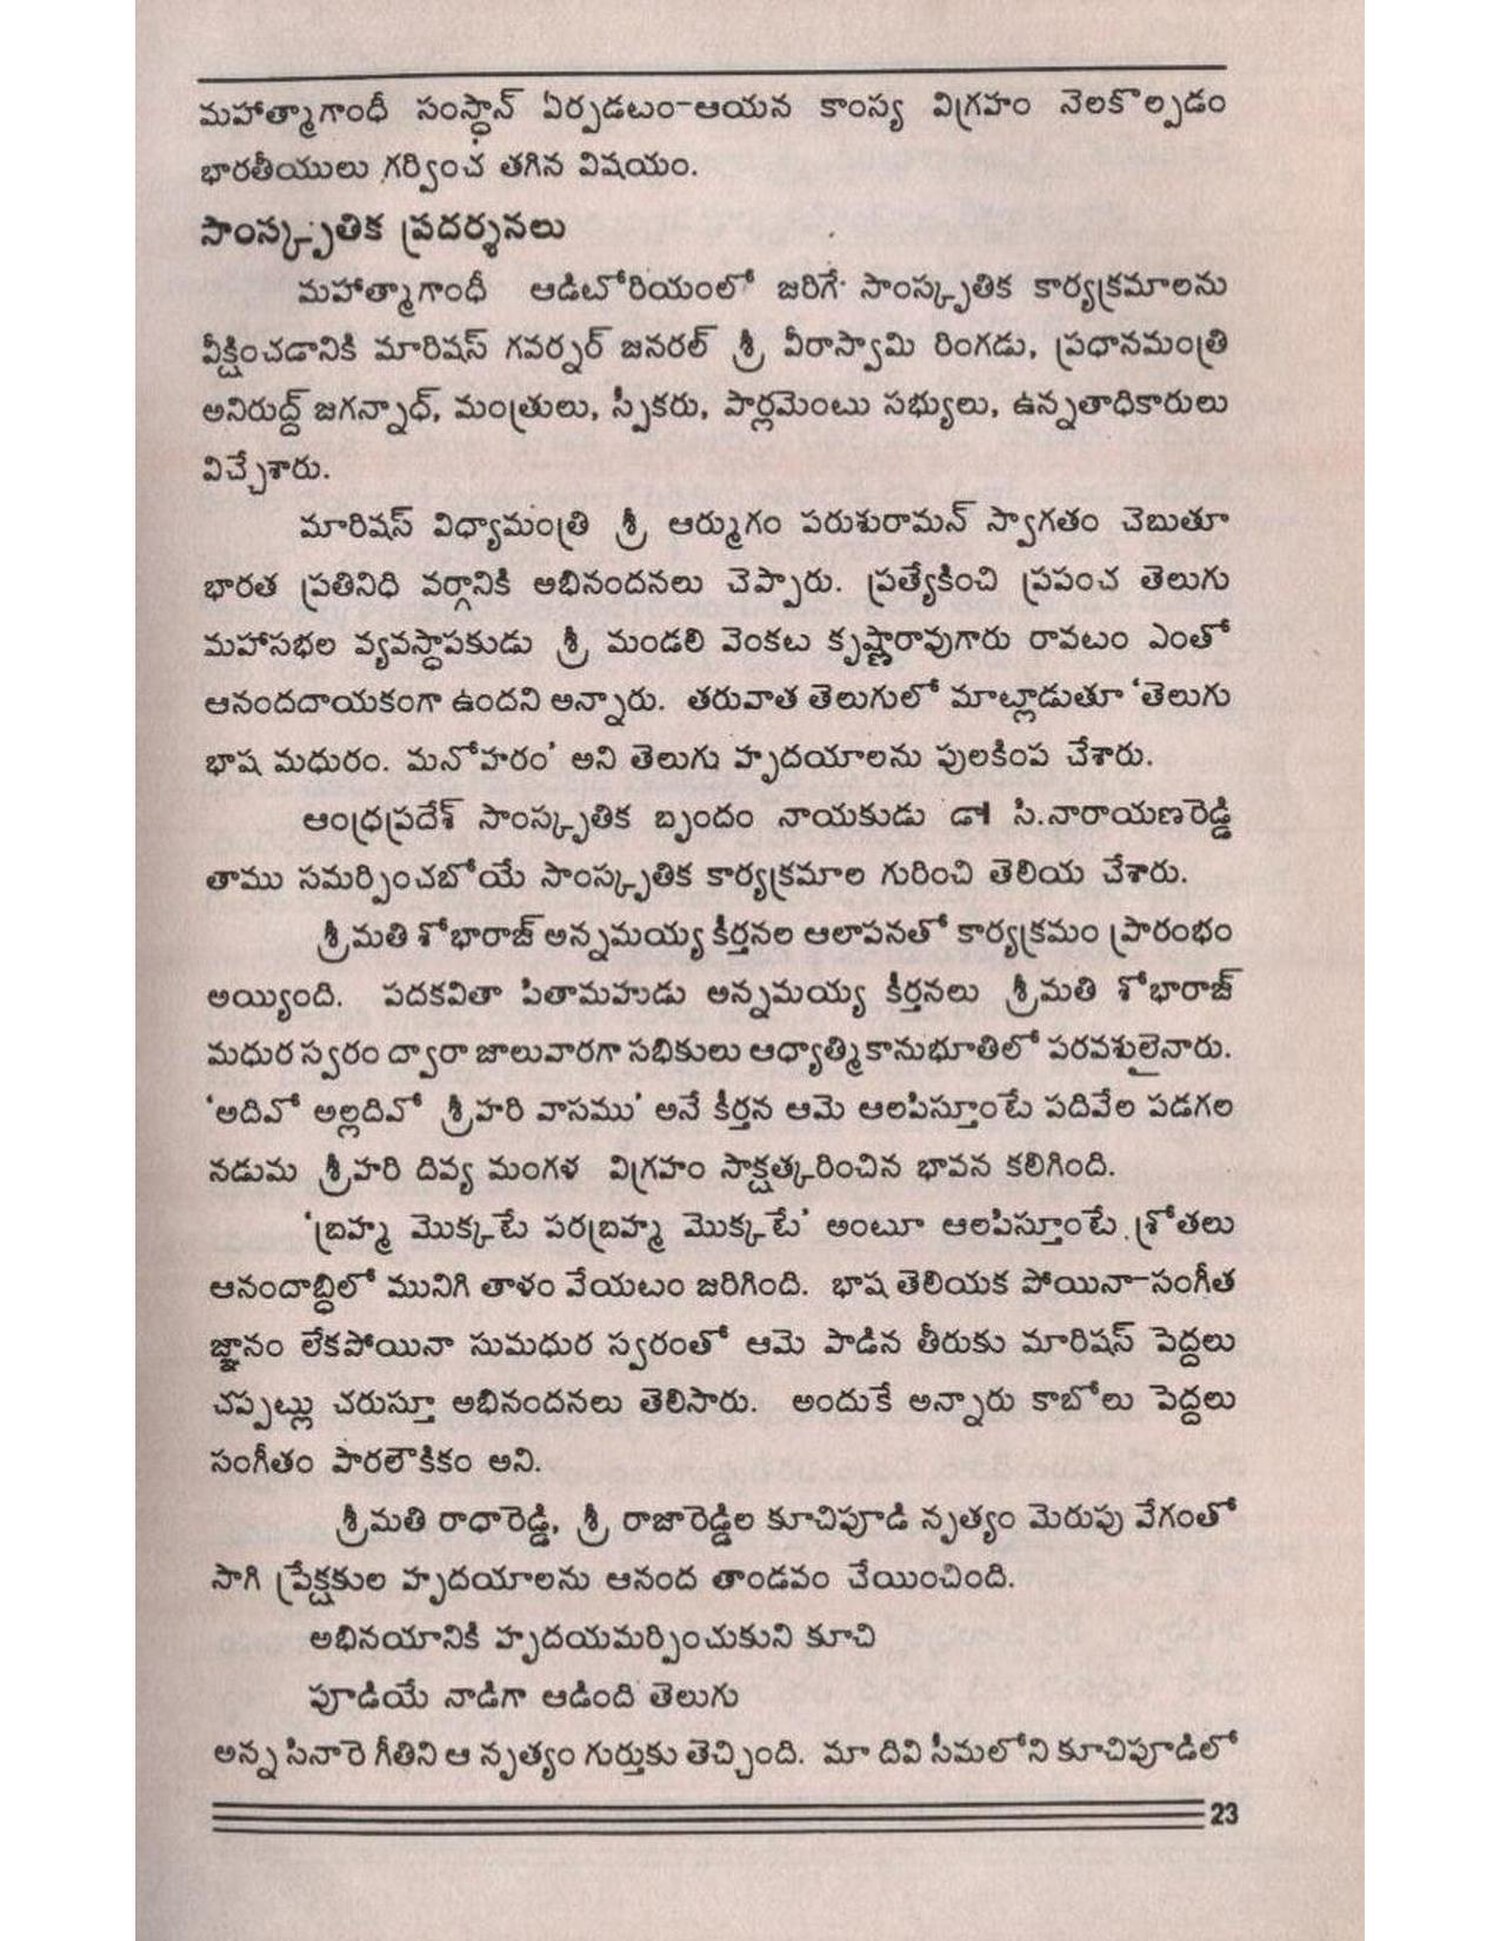మహాత్మాగాంధీ సంస్థాన్ ఏర్పడటం-ఆయన కాంస్య విగ్రహం నెలకొల్పడం భారతీయులు గర్వించ తగిన విషయం. 

సాంస్కృతిక ప్రదర్శనలు

మహాత్మాగాంధీ ఆడిటోరియంలో జరిగే సాంస్కృతిక కార్యక్రమాలను వీక్షించడానికి మారిషస్ గవర్నర్ జనరల్ శ్రీ వీరాస్వామి రింగడు, ప్రధానమంత్రి అనిరుద్దీ జగన్నాథ్ మంత్రులు, స్పీకరు, పార్లమెంటు సభ్యులు, ఉన్నతాధికారులు విచ్చేశారు.

మారిషస్ విధ్యామంత్రి శ్రీ ఆర్ముగం పరుశురామన్ స్వాగతం చెబుతూ భారత ప్రతినిధి వర్గానికి అభినందనలు చెప్పారు. ప్రత్యేకించి ప్రపంచ తెలుగు మహాసభల వ్యవస్ధాపకుడు శ్రీ మండలి వెంకట కృష్ణారావుగారు రావటం ఎంతో ఆనందదాయకంగా ఉందని అన్నారు. తరువాత తెలుగులో మాట్లాడుతూ 'తెలుగు భాష మధురం. మనోహరం' అని తెలుగు హృదయాలను పులకింప చేశారు.

ఆంధ్రప్రదేశ్ సాంస్కృతిక బృందం నాయకుడు డా॥ సి.నారాయణరెడ్డి తాము సమర్పించబోయే సాంస్కృతిక కార్యక్రమాల గురించి తెలియ చేశారు.

శ్రీమతి శోభారాజ్ అన్నమయ్య కీర్తనల ఆలాపనతో" కార్యక్రమం ప్రారంభం అయ్యింది. పదకవితా పితామహుడు అన్నమయ్య కీర్తనలు శ్రీమతి శోభారాజ్ మధుర స్వరం ద్వారా జాలువారగా సభికులు ఆధ్యాత్మికానుభూతిలో పరవశులైనారు. "అదివో అల్లదివో శ్రీహరి వాసము' అనే కీర్తన ఆమె ఆలపిస్తూంటే పదివేల పడగల నడుమ శ్రీహరి దివ్య మంగళ విగ్రహం సాక్షత్కరించిన భావన కలిగింది.

'బ్రహ్మ మొక్కటే పరబ్రహ్మ మొక్కటే' అంటూ ఆలపిస్తూంటే శ్రోతలు ఆనందాబ్దిలో మునిగి తాళం వేయటం జరిగింది. భాష తెలియక పోయినా-సంగీత జ్ఞానం లేకపోయినా సుమధుర స్వరంతో ఆమె పాడిన తీరుకు మారిషస్ పెద్దలు చప్పట్లు చరుస్తూ అభినందనలు తెలిపారు. అందుకే అన్నారు కాబోలు పెద్దలు సంగీతం పారలౌకికం అని.

శ్రీమతి రాధారెడ్డి, శ్రీ రాజారెడ్డిల కూచిపూడి నృత్యం మెరుపు వేగంతో సాగి ప్రేక్షకుల హృదయాలను ఆనంద తాండవం చేయించింది.

అభినయానికి హృదయమర్పించుకుని కూచి 
పూడియే నాడిగా ఆడింది తెలుగు 

అన్న సినారె గీతిని ఆ నృత్యం గుర్తుకు తెచ్చింది. మా దివిసీమలోని కూచిపూడిలో